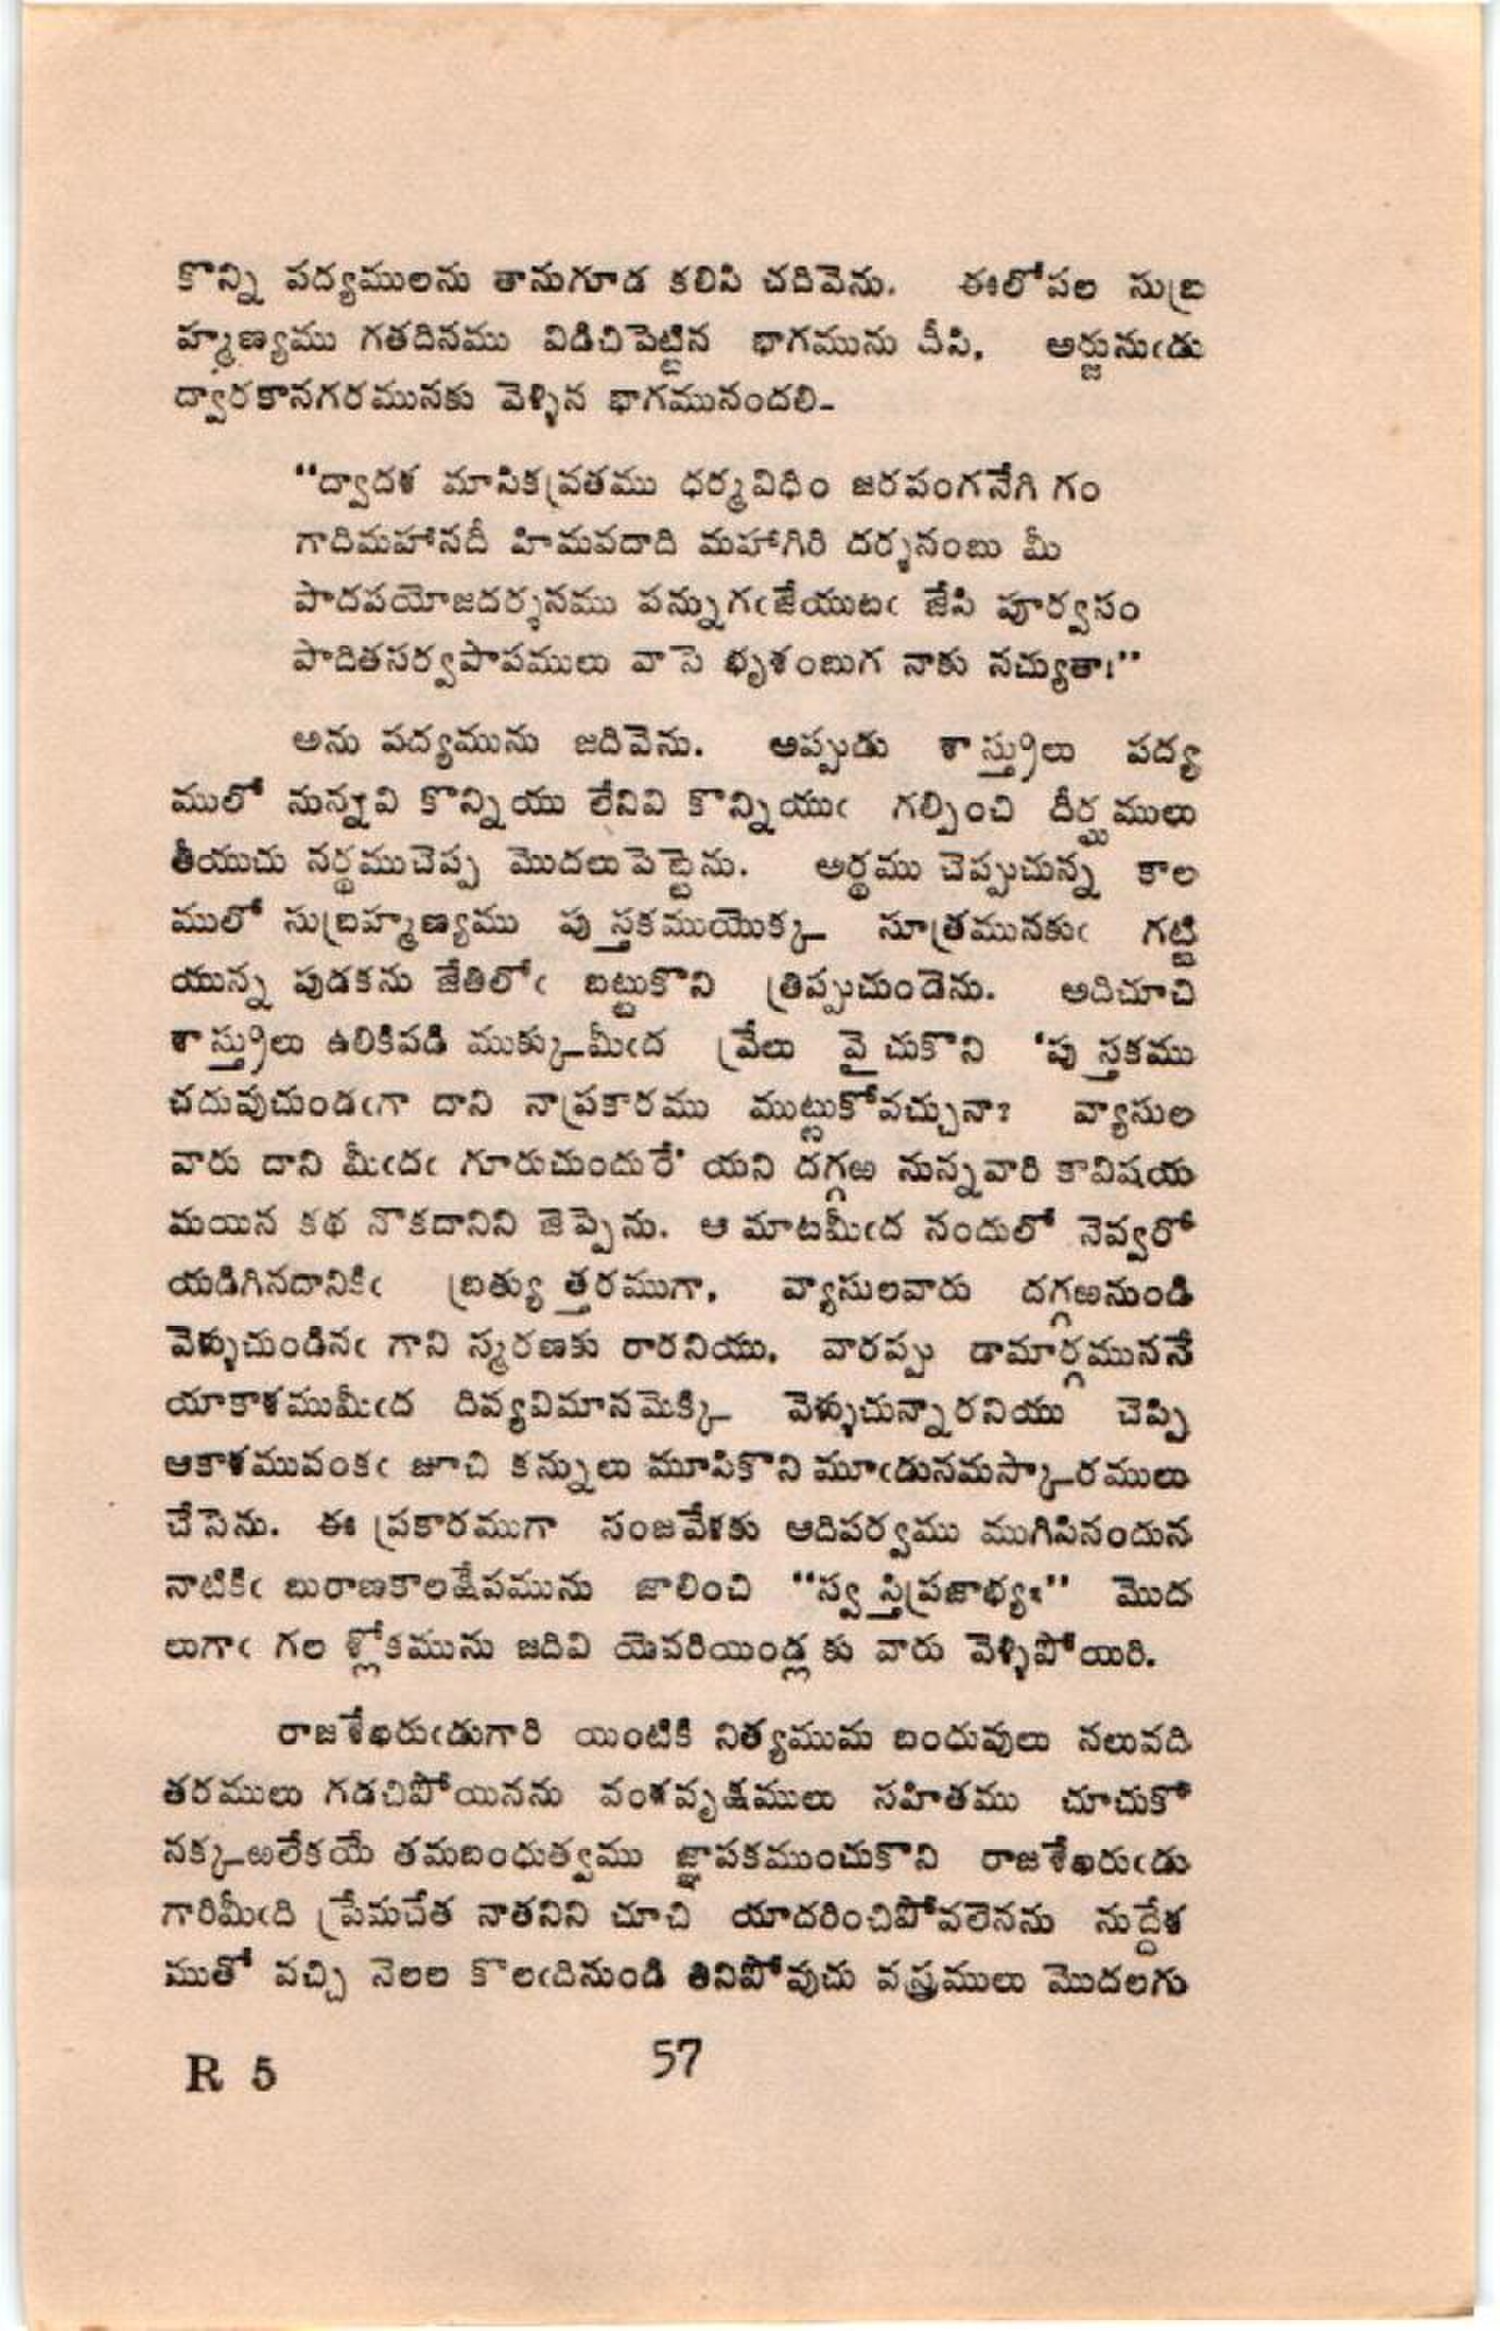కొన్ని పద్యములను తానుగూడ కలిపి చదివెను. ఈలోపల సుబ్రహ్మణ్యము గతదినము విడిచిపెట్టిన భాగమును దీసి, అర్జునుఁడు ద్వారకానగరమునకు వెళ్ళిన భాగమునందలి_

 "ద్వాదశ మాసికవ్రతము ధర్మవిధిం జరపంగనేగి గం 
 గాది మహానదీ హిమవదాది మహాగిరి దర్శనంబు మీ 
 పాదపయోజదర్శనము పన్నుగఁజేయుటఁ జేసి పూర్వసం 
 పాదితసర్వపాపములు వాసె భృశంబుగ నాకు నచ్యుతా!"

అను పద్యమును జదివెను, ఆప్పుడు శాస్త్రులు పద్యములో నున్నవి కొన్నియు లేనివి కొన్నియుఁ గల్పించి దీర్ఘములు తీయుచు నర్ధము చెప్ప మొదలుపెట్టెను. అర్థము చెప్పుచున్న కాలములో సుబ్రహ్మణ్యము పుస్తకముయొక్క సూత్రమునకుఁ గట్టి యున్న పడకను జేతిలోఁ బట్టుకొని త్రిప్పుచుండెను అదిచూచి శాస్త్రులు ఉలికిపడి ముక్కు మీఁద వ్రేలు వైచుకొని "పుస్తకము చదువుచుండగా దాని నాప్రకారము ముట్టుకోవచ్చునా? వ్యాసుల వారు దాని మీఁదఁ గూరుచుందు రే' యని దగ్గఱ నున్నవారి కావిషయ మయిన కథ నొకదానిని జెప్పెను. ఆ మాటమీఁద నందులో నెవ్వరో యడిగినదానికిఁ బ్రత్యుత్తరముగా, వ్యాసులవారు దగ్గఱనుండి వెళ్ళచుండినఁ గాని స్మరణకు రారనియు, వారప్పు డామార్గముననే యాకాశముమీఁద దివ్య విమానమెక్కి వెళ్ళుచున్నారనియు చెప్పి ఆకాశమువంకఁ జూచి కన్నులు మూసికొని మూఁడునమస్కారములు చేసెను. ఈ ప్రకారముగా సంజవేళకు ఆదిపర్వము ముగిసినందున నాటికిఁ బురాణకాలక్షేపమును జాలించి "స్వస్తిప్రజాభ్య" మొదలుగాఁ గల శ్లోకమును జదివి యెవరియిండ్లకు వారు వెళ్ళిపోయిరి.

రాజశేఖరుఁడుగారి యింటికి నిత్యమును బంధువులు నలువది తరములు గడచిపోయినను వంశవృక్షములు సహితము చూచుకో నక్కఱలేకయే తమబంధుత్వము జ్ఞాపకముంచుకొని రాజశేఖరుఁడు గారిమీఁది ప్రేమచేత నాతనిని చూచి యాదరించిపోవలెనను నుద్దేశముతో వచ్చి నెలల కొలఁదినుండి తినిపోవుచు వస్త్రములు మొదలగు